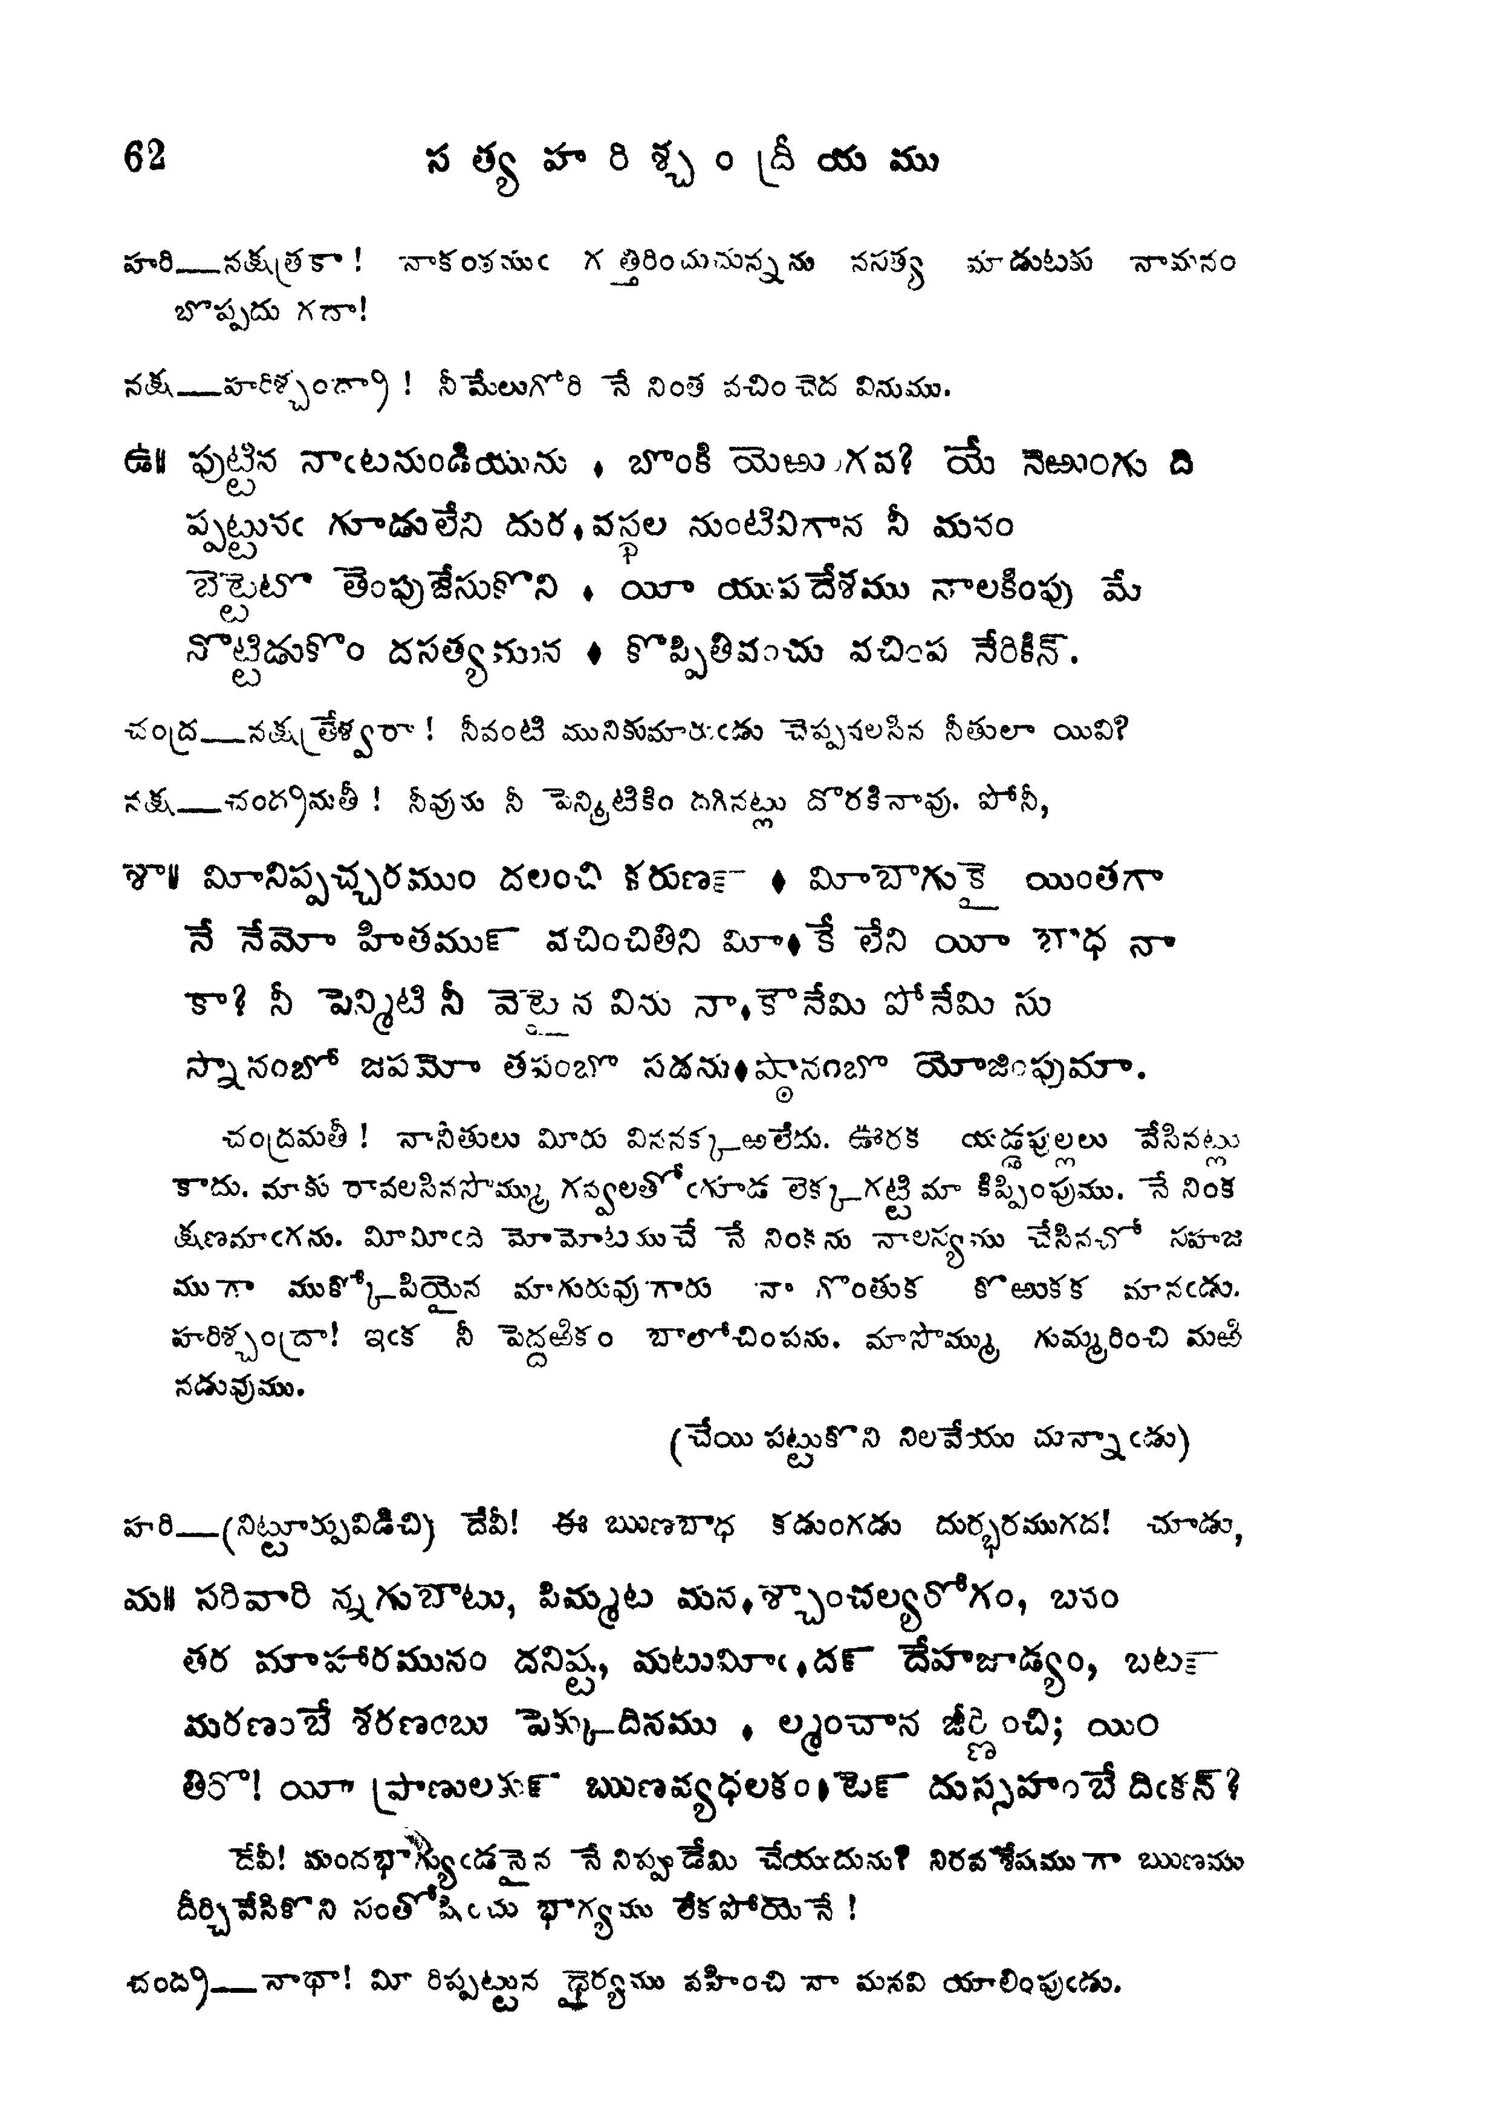హరి - 	నక్షత్రకా! నా కంఠము గత్తిరించుచున్నను నసత్య మాడుటకు నామనంబొప్పదు గదా!

నక్ష - 	హరిశ్చంద్రా! నీ మేలు గోరి నే నింత వచించెద వినుము.

ఉ. 	పుట్టిన నాఁటనుండియును బొంకి యెఱుంగవ? యే నెఱుంగు ది
ప్పట్టుని గూడులేని దురవస్థల నుంటివి గాన నీ మనం
బెట్టిటొ తెంపుజేసికొని యీ యుపదేశము నాలకింపు మే
నొట్టిడుకొం దసత్యమున కొప్పితివంచు వచింప నేరికిన్‌.

చంద్ర - 	నక్షత్రేశ్వరా! నీ వంటి మునికుమారుడు చెప్పవలసిన నీతులా యివి?

నక్ష - 	చంద్రమతీ! నీవును నీ పెన్మిటికిం దగినట్టు దొరికినావు. పో,

శా. 	మీనిప్పచ్చరముం దలంచి కరుణన్‌ మీ బాగుకై యింతగా
నే నేమో హితమున్‌ వచించితిని, మీ కే లేని యీ బాధ నా
కా? నీ పెన్మిటి నీ వెటైన విను నా కౌనేమి పోనేమి సు
స్నానంబో జపమో తపంబో సదనుష్ఠానంబొ యోజింపుమా.

చంద్రమతీ! నానీతులు మీరు విననక్కఱలేదు. ఊరక యడ్డుపుల్లలు వేసినట్లు కాదు. మాకు రావలసినసొమ్ము గవ్వలతో గూడ లెక్కపెట్టి మా కిప్పింపుము. నే నింక క్షణమాగను, మీమీది మోమాటముచే నే నింకను నాలస్యము చేసినచో సహజముగా ముక్కోపియైన మాగురువుగారు నాగొంతుక కొఱుకక మానడు. హరిశ్చంద్రా! నీ పెద్దఱికం బాలోచింపను. మా సొమ్ము గుమ్మరించి మఱి నడువుము.

(చేయి పట్టుకొని నిలవేయుచున్నాడు)

హరి - 	(నిట్టూర్పు విడిచి) దేవీ! ఈ ఋణబాధ కడుంగడు దుర్భరముగద! చూడు,

మ. 	సరివారి న్నగుబాటు పిమ్మట మనశ్చాంచల్య రోగం, బనం
తర మాహారమునం దనిష్ట, మటుమీదన్‌ దేహజాడ్యం, బటన్‌
మరణంబే శరణంబు, పెక్కుదినము ల్మంచాన జీర్ణించి; యిం
తిరొ! యీ ప్రాణులకున్‌ ఋణవ్యధలకంటెన్‌ దుస్సహం బేదికన్‌.

దేవీ! మందభాగ్యుండనైన నే నిప్పుడేమి చేయుదును? నిరవశేషముగా ఋణము దీర్చివేసికొని సంతోషించు భాగ్యము నాకు లేకపోయెనే?

చంద్ర - నాథా! మీ రిప్పట్టున ధైర్యము వహించి నా మనవి యాలింపుడు.